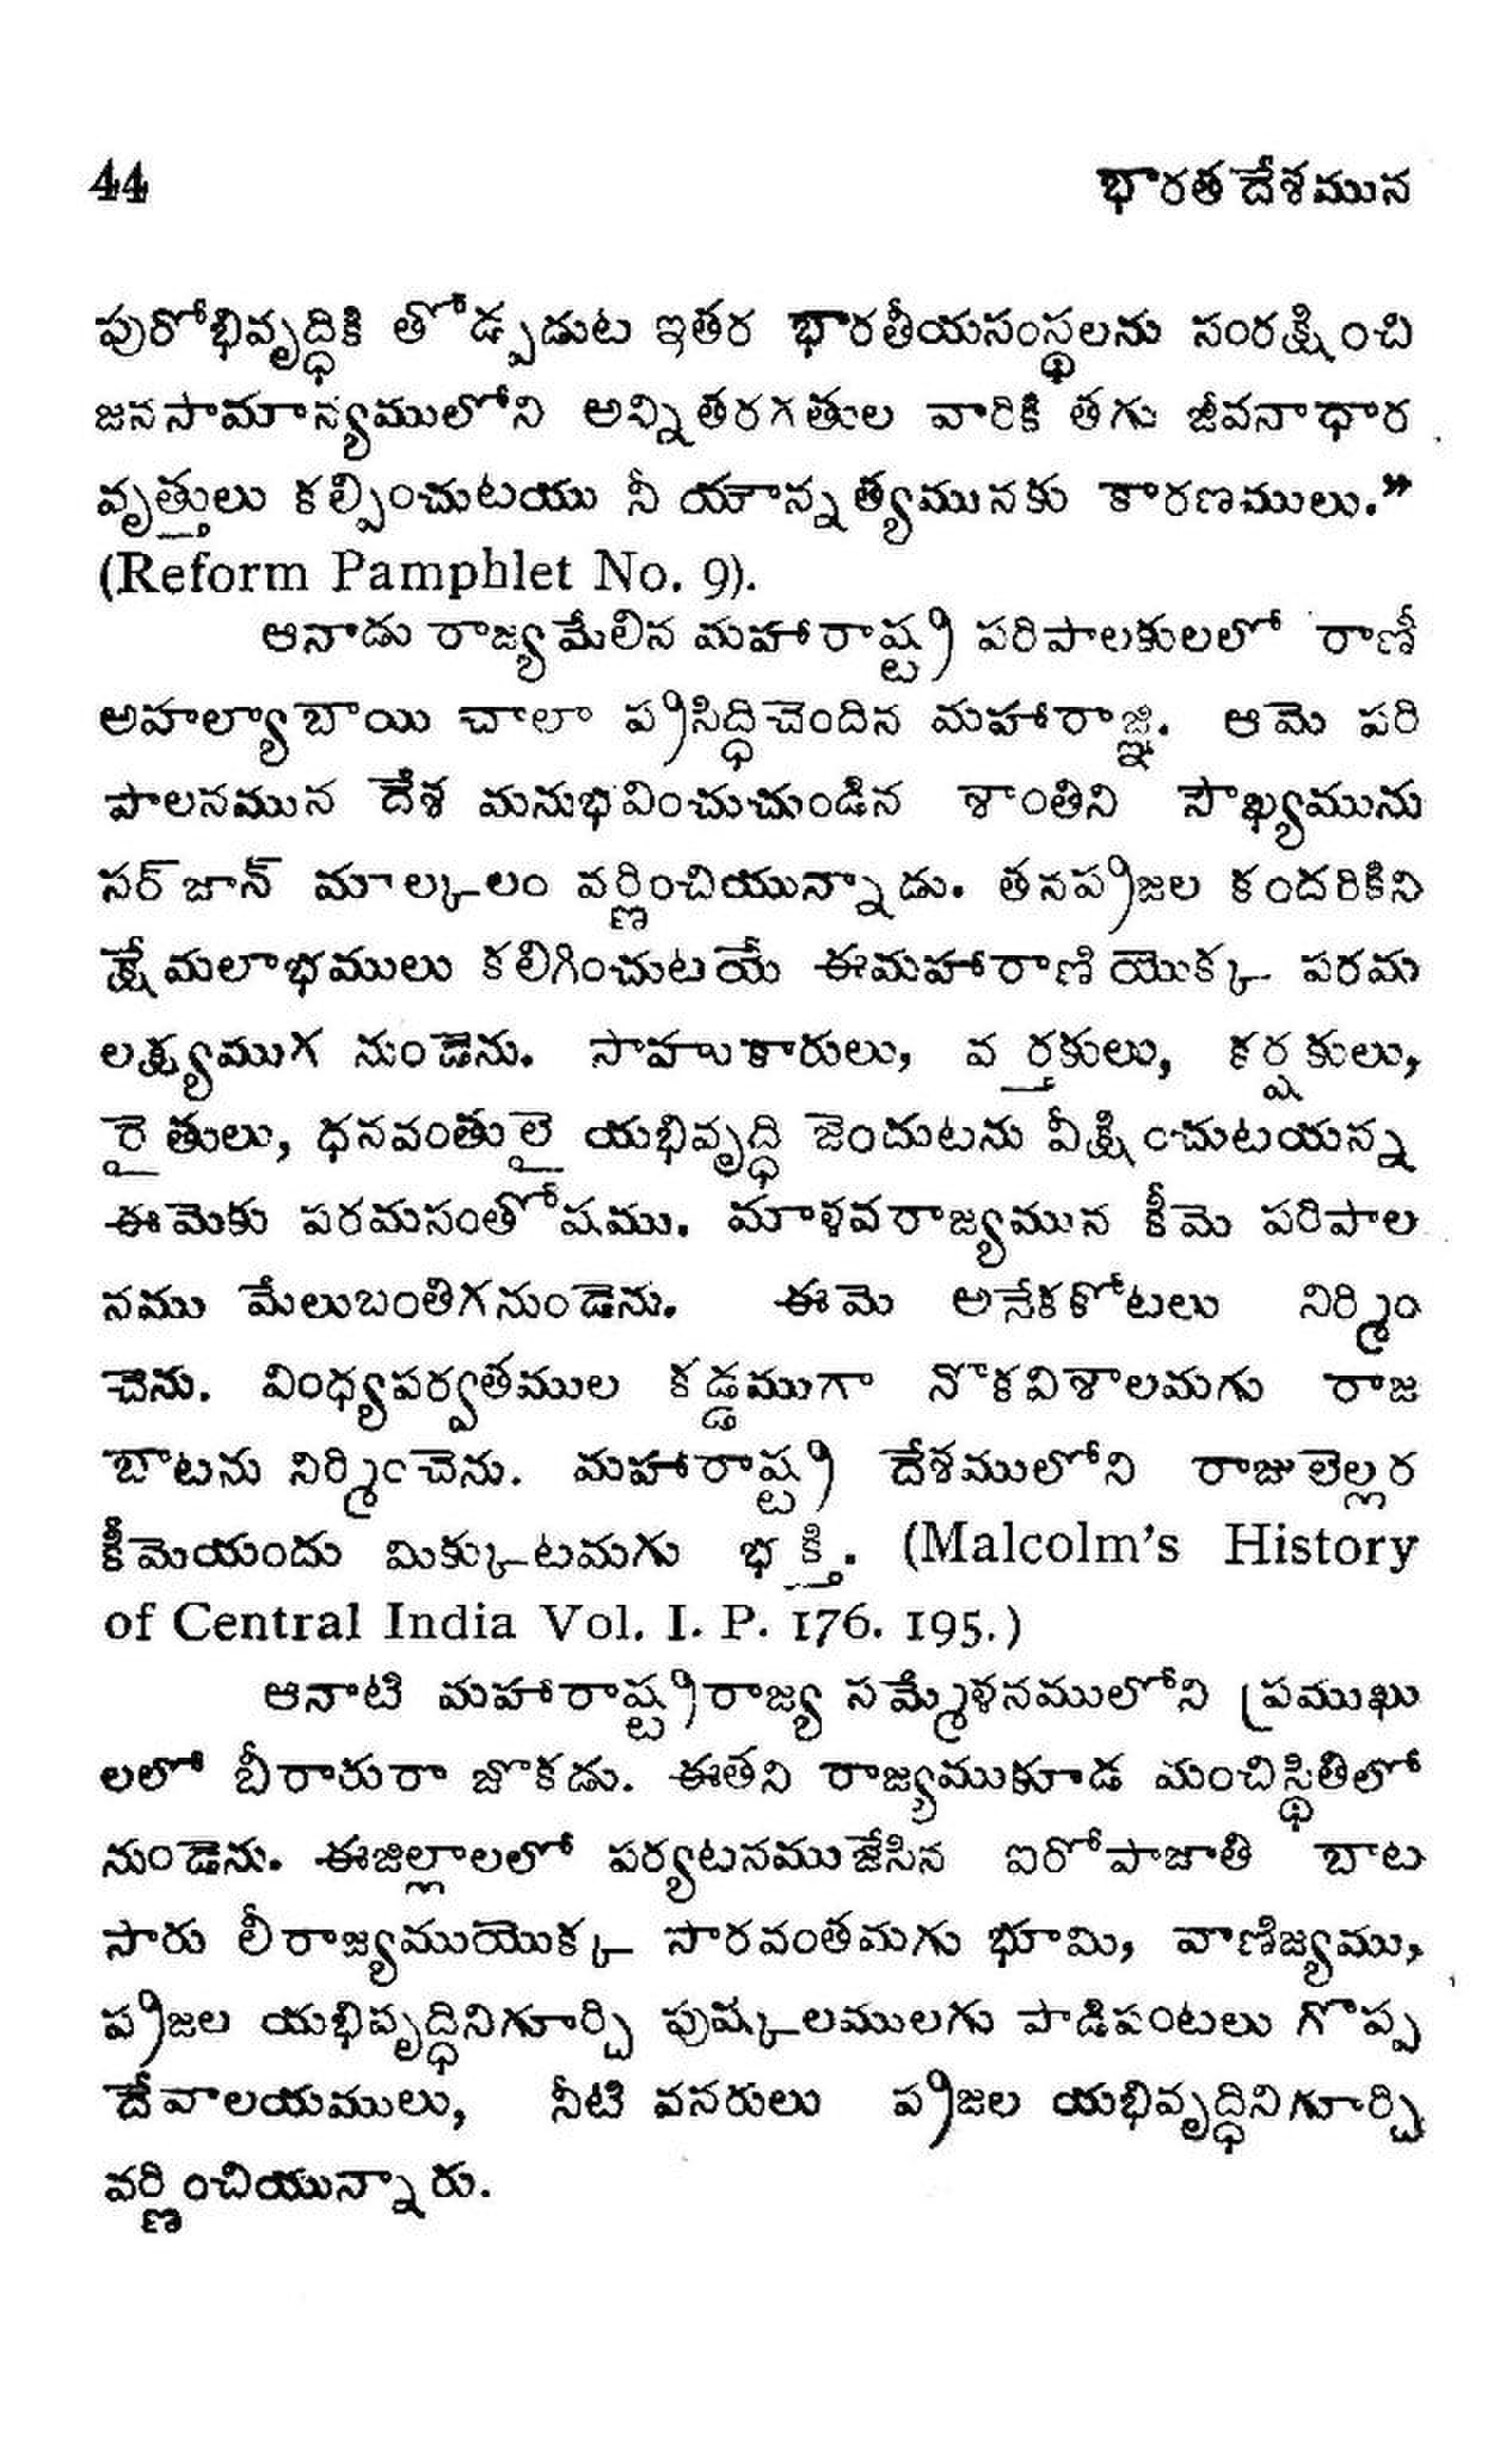పురోభివృద్ధికి తోడ్పడుట ఇతర భారతీయసంస్థలను సంరక్షించి జనసామాన్యములోని అన్నితరగతుల వారికి తగు జీవనాధార . వృత్తులు కల్పించుటయు నీ యౌన్నత్యమునకు కారణములు." (Reform Pamphlet No. 9). 

ఆనాడు రాజ్యమేలిన మహారాష్ట్ర పరిపాలకులలో రాణీ అహల్యాబాయి చాలా ప్రసిద్దిచెందిన మహారాజ్ఞి. ఆమె పరిపాలనమున దేశ మనుభవించుచుండిన శాంతిని సౌఖ్యమును సర్‌జాన్ మాల్కలం వర్ణించియున్నాడు. తనప్రజల కందరికిని క్షేమలాభములు కలిగించుటయే ఈమహారాణియొక్క పరమ లక్ష్యముగ నుండెను. సాహుకారులు, వర్తకులు, కర్షకులు, రైతులు, ధనవంతులై యభివృద్ధి జెందుటను వీక్షించుటయన్న ఈమెకు పరమసంతోషము. మాళవరాజ్యమున కీమె పరిపాలనము మేలుబంతిగనుండెను. ఈమె అనేకకోటలు నిర్మిం చెను. వింధ్యపర్వతముల కడ్డముగా నొకవిశాలమగు రాజబాటను నిర్మించెను. మహారాష్ట్ర దేశములోని రాజులెల్లర కీమెయందు మిక్కుటమగు భక్తి. (Malcolm's History of Central India Vol. I. P. 176. 195.).

ఆనాటి మహారాష్ట్రరాజ్య సమ్మేళనములోని ప్రముఖులలో బీరారురా జొకడు. ఈతని రాజ్యముకూడ మంచిస్థితిలో నుండెను. ఈజిల్లాలలో పర్యటనము జేసిన ఐరోపాజాతి బాటసారు లీరాజ్యముయొక్క సారవంతమగు భూమి, వాణిజ్యము, ప్రజల యభివృద్ధినిగూర్చి పుష్కలములగు పాడిపంటలు గొప్ప దేవాలయములు, నీటి వనరులు ప్రజల యభివృద్ధినిగూర్చి వర్ణించియున్నారు.